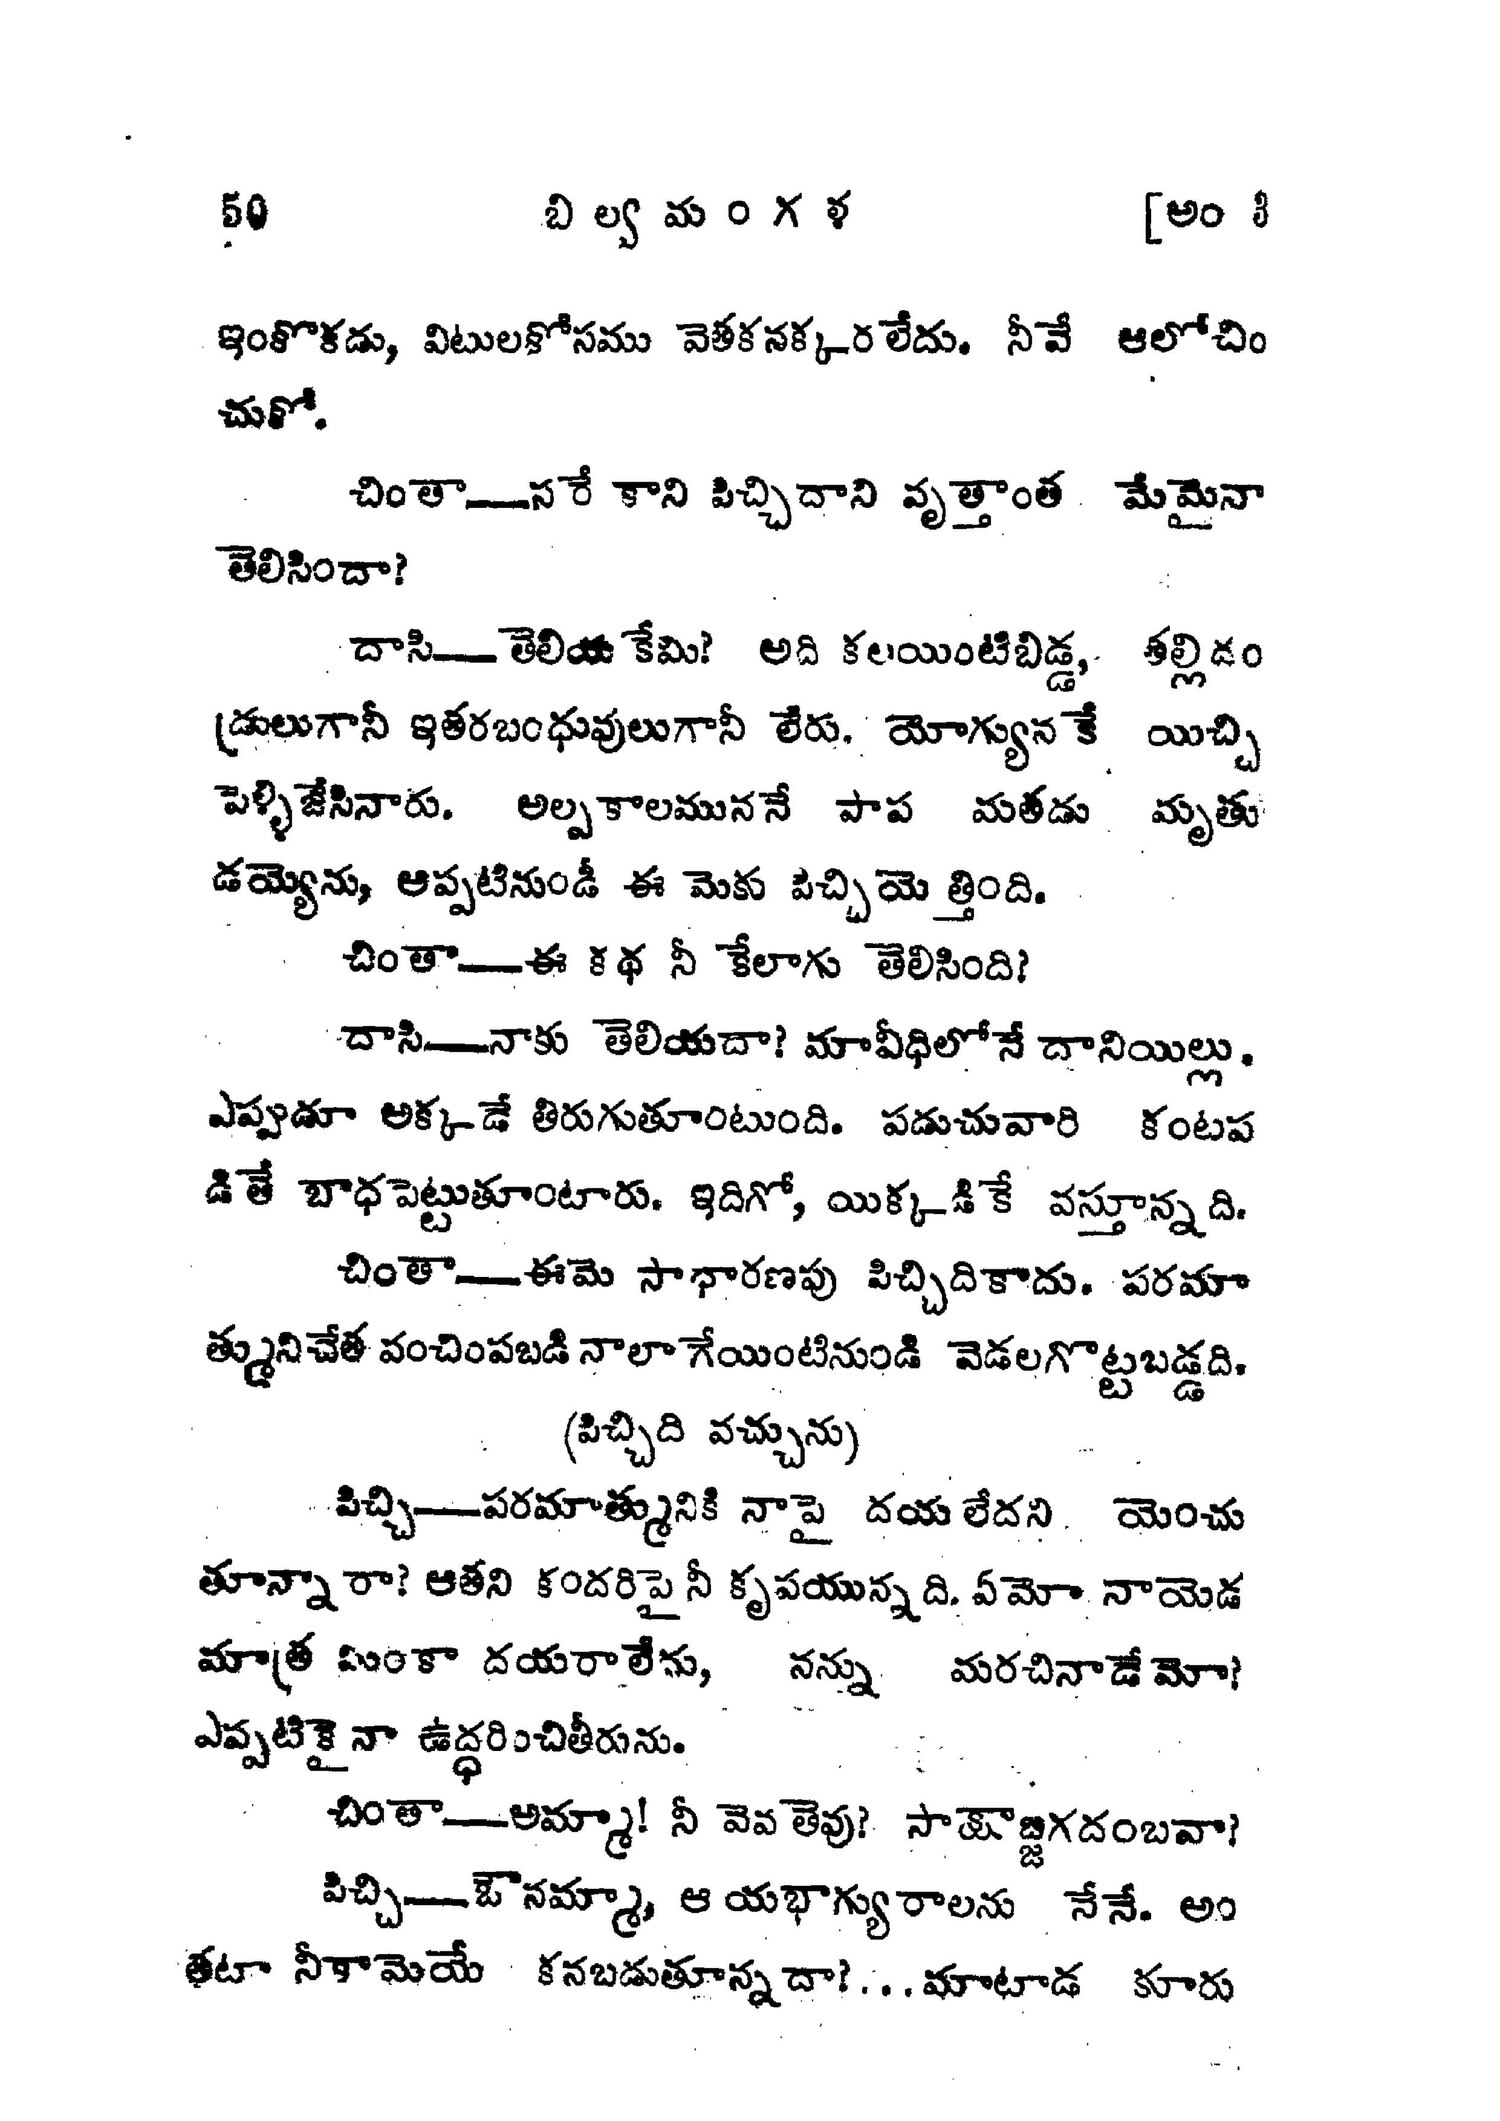ఇంకొకడు, విటులకోసము వెతకనక్కరలేదు. నీవే ఆలోచించుకో.

చింతా - సరే కాని పిచ్చిదాని వృత్తంత మేమైనా తెలిసిందా? 

దాసి - తెలియ కేమి? అది కలయింటిబిడ్డ, తల్లిదండ్రులుగానీ ఇతరబంధువులుగానీ లేరు. యోగ్యునకే యిచ్చి పెళ్ళిజేసినారు. అల్పకాలముననే పాప మతడు మృతుడయ్యెను, అప్పటినుండీ ఈ మెకు పిచ్చియెత్తింది.

చింతా - ఈ కథ నీ కేలాగు తెలిసింది?

దాసి - నాకు తెలియదా? మావీధిలోనే దానియిల్లు. ఎప్పుడూ అక్కడే తిరుగుతూంటుంది. పడుచువారి కంటపడితే బాధపెట్టుతూంటారు. ఇదిగో, యిక్కడికే వస్తూన్నది.

చింతా - ఈమె సాధారణపు పిచ్చిదికాదు. పరమాత్మునిచేత వంచింపబడి నాలాగేయింటినుండి వెడలగొట్టబడ్డది.

పిచ్చి - పరమాత్మునికి నాపై దయలేదని యెంచుతూన్నారా? ఆతని కందరిపైనీ కృపయున్నది. ఏమో నాయెడ మాత్ర మింకా దయరాలేదు. నన్ను మరచినాడేమో? ఎప్పటికైనా ఉద్ధరించితీరును.

చింతా - అమ్మా! నీ వెవతెవు? సాక్షాజ్జగదంబవా?

పిచ్చి - ఔనమ్మా, ఆ యభాగ్యురాలను నేనే. అంతటా నీకామెయే కనబడుతూన్నదా? ... మాటాడ కూరు